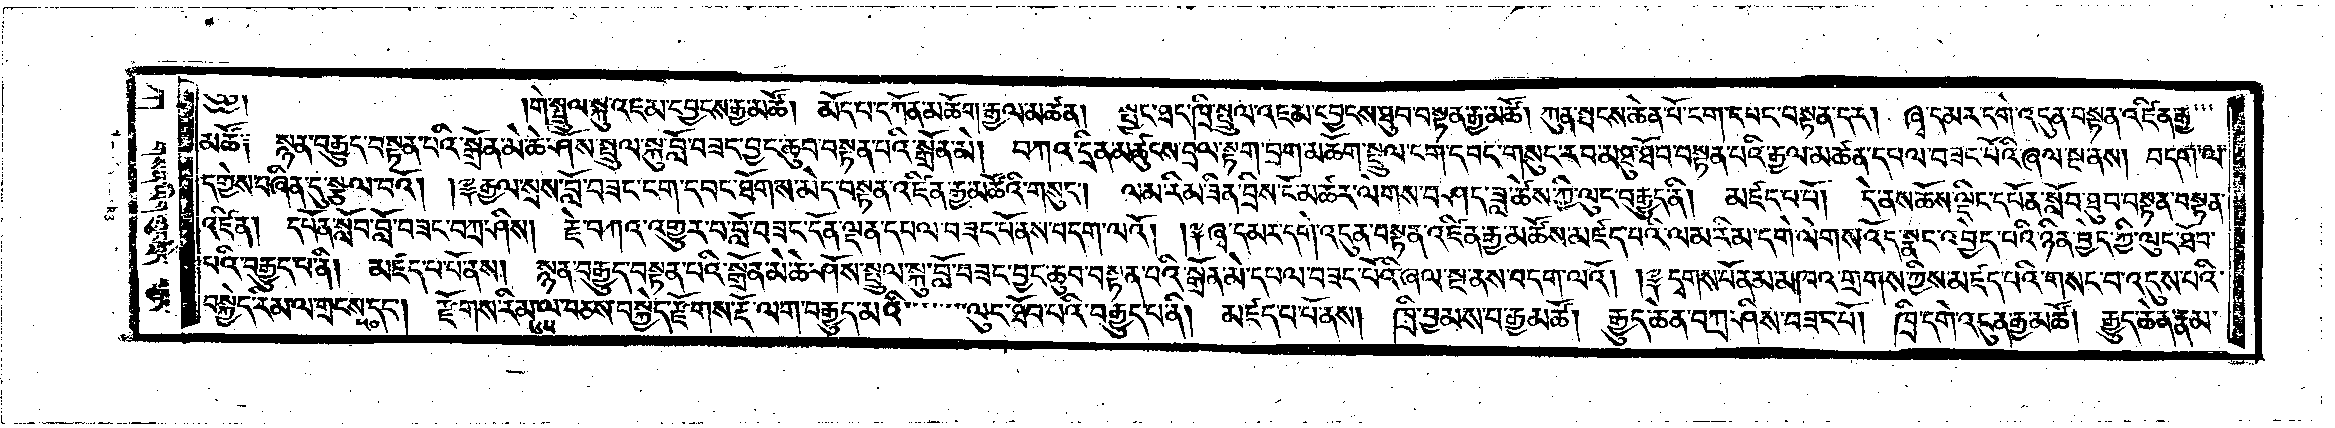༄༅། །གེ་སྤྲུལ་སྐུ་འཇམ་དབྱངས་རྒྱ་མཚོ། མོད་པ་དཀོན་མཆོག་རྒྱལ་མཚན། སྤྱང་ཐང་ཁྲི་སྤྲུལ་འཇམ་དབྱངས་ཐུབ་བསྟན་རྒྱ་མཚོ། ཀུན་སྤངས་ཆེན་པོ་ངག་དབང་བསྟན་དར། ཞྭ་དམར་དགེ་འདུན་བསྟན་འཛིན་རྒྱ་
མཚོ༑ སྙན་བརྒྱུད་བསྟན་པའི་སྒྲོན་མེ་ཆེ་ཤོས་སྤྲུལ་སྐུ་བློ་བཟང་བྱང་ཆུབ་བསྟན་པའི་སྒྲོན་མེ། བཀའ་དྲིན་མཚུངས་བྲལ་སྟག་བྲག་མཆོག་སྤྲུལ་ངག་དབང་གསུང་རབ་མཐུ་ཐོབ་བསྟན་པའི་རྒྱལ་མཚན་དཔལ་བཟང་པོའི་ཞལ་སྔ་ནས། བདག་ལ་
དགྱེས་བཞིན་དུ་སྩལ་བའོ། ། ༈ རྒྱལ་སྲས་བློ་བཟང་ངག་དབང་ཐོགས་མེད་བསྟན་འཛིན་རྒྱ་མཚོའི་གསུང་། ལམ་རིམ་ཟིན་བྲིས་ངོ་མཚར་ལེགས་བཤད་ཟླ་ཚེས་ཀྱི་ལུང་བརྒྱུད་ནི། མཛད་པ་བོ། དེ་ནས་ཆོས་ལྡིང་དཔོན་སློབ་ཐུབ་བསྟན་བསྟན་
འཛིན། དཔོན་སློབ་བློ་བཟང་བཀྲ་ཤིས། རྗེ་བཀའ་འགྱུར་བ་བློ་བཟང་དོན་ལྡན་དཔལ་བཟང་པོ་ནས་བདག་ལའོ། ། ༈ ཞྭ་དམར་དགེ་འདུན་བསྟན་འཛིན་རྒྱ་མཚོས་མཛད་པའི་ལམ་རིམ་དགེ་ལེགས་འོད་སྣང་འབྱེད་པའི་ཉིན་བྱེད་ཀྱི་ལུང་ཐོབ་
པའི་བརྒྱུད་པ་ནི། མཛད་པ་པོ་ནས། སྙན་བརྒྱུད་བསྟན་པའི་སྒྲོན་མེ་ཆེ་ཤོས་སྤྲུལ་སྐུ་བློ་བཟང་བྱང་ཆུབ་བསྟན་པའི་སྒྲོན་མེ་དཔལ་བཟང་པོའི་ཞལ་སྔ་ནས་བདག་ལའོ། ། ༈ དྭགས་པོ་ནམ་མཁའ་གྲགས་ཀྱིས་མཛད་པའི་གསང་བ་འདུས་པའི་
བསྐྱེད་རིམ་ལ་གྲངས ༥༠་དང་། རྫོགས་རིམ ༦༥་ལ་བཅས་བསྐྱེད་རྫོགས་རྡོ་ལག་བརྒྱུད་མའི་ལུང་ཐོབ་པའི་བརྒྱུད་པ་ནི། མཛད་པ་པོ་ནས། ཁྲི་བྱམས་པ་རྒྱ་མཚོ། རྒྱུད་ཆེན་བཀྲ་ཤིས་བཟང་པོ། ཁྲི་དགེ་འདུན་རྒྱ་མཚོ། རྒྱུད་ཆེན་རྣམ་